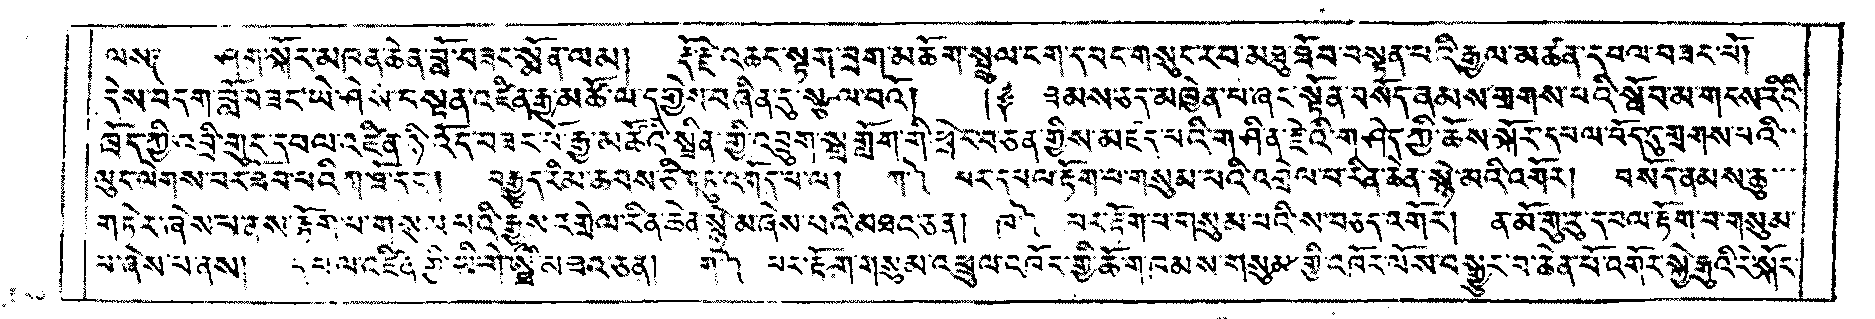ལས༑ ཤག་སྐོར་མཁན་ཆེན་བློ་བཟང་སྨོན་ལམ། རྡོ་རྗེ་འཆང་སྟག་བྲག་མཆོག་སྤྲུལ་ངག་དབང་གསུང་རབ་མཐུ་ཐོབ་བསྟན་པའི་རྒྱལ་མཚན་དཔལ་བཟང་པོ།
དེས་བདག་བློ་བཟང་ཡེ་ཤེས་བསྟན་འཛིན་རྒྱ་མཚོ་ལ་དགྱེས་བཞིན་དུ་སྩལ་བའོ། ། ༈ ཐམས་ཅད་མཁྱེན་པ་ཞང་སྟོན་བསོད་ནམས་གྲགས་པའི་སློབ་མ་གངས་རིའི་
ཁྲོད་ཀྱི་འབྲི་གུང་དཔལ་འཛིན་ཉི་འོད་བཟང་པོ་རྒྱ་མཚོའི་སྤྲིན་གྱི་འབྲུག་སྒྲ་གློག་གི་ཕྲེང་བ་ཅན་གྱིས་མཛད་པའི་གཤིན་རྗེའི་གཤེད་ཀྱི་ཆོས་སྐོར་དཔལ་པོད་དུ་གྲགས་པའི་
ལུང་ལེགས་པར་ཐོབ་པའི་ཀ་ཐོ་དང་། བརྒྱུད་རིམ་ཆབས་ཅིག་ཏུ་འགོད་པ་ལ། ཀ྄་པར་དཔལ་རྟོག་པ་གསུམ་པའི་འགྲེལ་པ་རིན་ཆེན་སྙེ་མའི་འགོར། བསོད་ནམས་ཆུ་
གཏེར་ཞེས་པ་ནས་རྟོག་པ་གསུམ་པའི་རྒྱས་འགྲེལ་རིན་ཆེན་སྙེ་མ་ཞེས་པའི་མཐའ་ཅན། ཁ྄་པར་རྟོག་པ་གསུམ་པའི་ས་བཅད་འགོར། ན་མོ་གུ་རུ་དཔལ་རྟོག་པ་གསུམ་
པ་ཞེས་པ་ནས། དཔལ་འཛིན་གྱི་ཡི་གེ་ཨྀཐི་མཐའ་ཅན། ག྄་པར་རྟོག་གསུམ་འཕྲུལ་འཁོར་གྱི་ཆོ་ག་ཁམས་གསུམ་གྱི་འཁོར་ལོས་བསྒྱུར་བ་ཆེན་པོ་འགོར་སྐྱེ་རྒུའི་རེ་སྐོང་